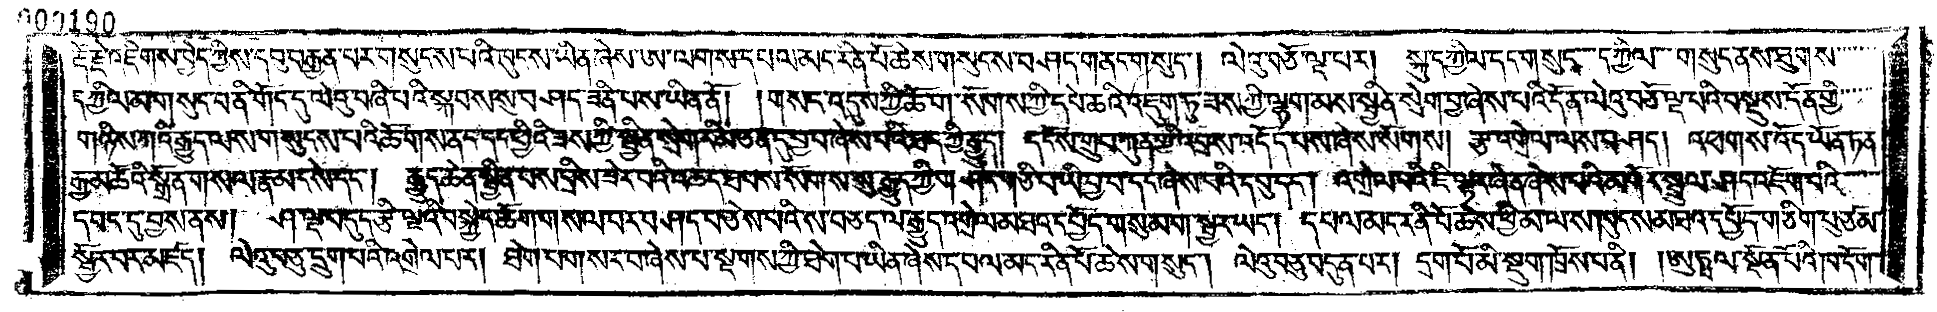རྡོ་རྗེ་འཇིགས་བྱེད་ཀྱིས་དབུ་བརྒྱན་པར་གསུངས་པའི་ཁུངས་ཡིན་ཞེས་ཨ་ལགས་དཔལ་མང་རིན་པོ་ཆེས་གསུངས་བཤད་གནང་གསུང་། ལེའུ་བཅོ་ལྔ་པར། སྐུ་དཀྱིལ་དང་གསུང་དཀྱིལ་གསུང་ནས་ཐུགས་
དཀྱིལ་མ་གསུང་བ་ནི་གོང་དུ་ལེའུ་བཞི་པའི་སྐབས་སུ་བཤད་ཟིན་པས་ཡིན་ནོ། །གསང་འདུས་ཀྱི་ཆོ་ག་སོགས་ཀྱི་དཔེ་ཆའི་འཇུག་ཏུ་ཟས་ཀྱི་ལྷག་མས་སྦྱིན་སྲེག་བྱ་ཞེས་པའི་དོན་ལེའུ་བཅོ་ལྔ་པའི་བསྡུས་དོན་གྱི་
གཉིས་ཀའི་རྒྱུད་ལས་གསུངས་པའི་ཆོ་གས་ནང་དང་ཕྱིའི་ཟས་ཀྱི་སྦྱིན་སྲེག་རིམ་ཅན་དུ་བྱ་བ་ཞེས་པའི་ཐད་ཀྱི་རྒྱུད། དངོས་གྲུབ་ཀུན་གྱི་འབྲས་འདོད་པས་ཞེས་སོགས། རྩ་འགྲེལ་ལས་བཤད། འཕགས་འོད་ཡོན་ཏན་
རྒྱ་མཚོའི་སྒྲོན་གསལ་རྣམ་ངེས་དང་། རྒྱུད་ཆེན་སྦྱིན་པས་བྲིས་ཟེར་བའི་འཆད་ཐབས་སོགས་སུ་རྒྱུད་ཀྱི་གཤང་གཅི་བ་ཡི་བྱ་བ་དང་ཞེས་པའི་དབུ་དང་། འགྲེལ་བའི་ཇི་ལྟར་ཞེ་ན་ཞེས་པའི་མགོར་སྤྲུལ་ཤད་འཇོག་པའི་
དབང་དུ་བྱས་ནས། ཤ་ལྔ་བདུད་རྩི་ལྔའི་བསྐྱེད་ཆོག་གསལ་བར་བཤད་པ་ཅེས་པའི་ས་བཅད་ལ་རྒྱུད་འགྲེལ་མཐའ་དཔྱོད་གསུམ་ག་སྦྱར་ཡང་། དཔལ་མང་རིན་པོ་ཆེས་ཕྱི་མ་ལས་ཁུངས་མཐའ་དཔྱོད་གཅིག་པུ་ཙམ་
སྦྱོར་བར་མཛད། ལེའུ་བཅུ་དྲུག་པའི་འགྲེལ་པར། ཐེག་པ་གསར་བ་ཞེས་པ་སྔགས་ཀྱི་ཐེག་པ་ཡིན་ཞེས་དཔལ་མང་རིན་པོ་ཆེས་གསུང་། ལེའུ་བཅུ་བདུན་པར། དྲག་པོ་མི་སྡུག་ཁྲོས་པ་ནི། །ཨུཏྤལ་སྔོན་པོའི་ཁ་དོག་